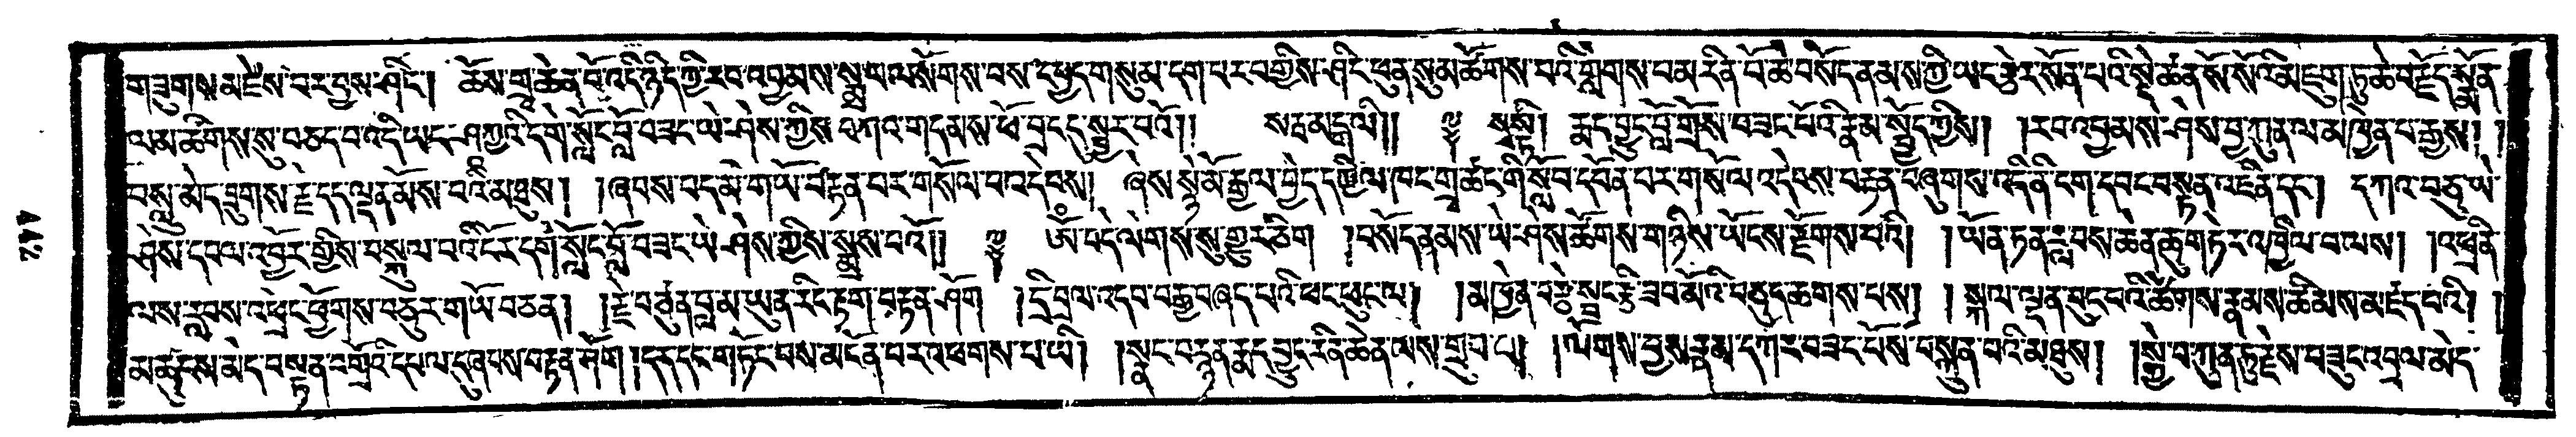གཟུགས་མཛེས་བར་བྱས་ཤིང་། ཆོས་གྲྭ་ཆེན་བོ་འདི་ཉིད་ཀྱི་རབ་འབྱམས་སྨྲ་ལ་སོགས་བས་དཔྱད་གསུམ་དག་པར་བགྱིས་ཤིང་ཕུན་སུམ་ཚོགས་བའི་གླེགས་བམ་རིན་པོ་ཆེ་བསོད་ནམས་ཀྱི་ཡང་རྩེར་སོན་པའི་སྡེ་ཚན་སོ་སོའི་མཇུག་ཏུ་ཆེ་བ་རྗོད་སྨོན་
ལམ་ཚིགས་སུ་བཅད་བ་འདི་ཡང་ཤཱཀྱའི་དགེ་སློང་བློ་བཟང་ཡེ་ཤེས་ཀྱིས་བཀའ་གདམས་ཕོ་བྲང་དུ་སྦྱར་བའོ།། སརྦ་མངྒཾལི།། ༈ སྭྶྟི། རྨད་བྱུང་བློ་གྲོས་བཟང་པོའི་རྣམ་སྤྱོད་ཀྱིས། །རབ་འབྱམས་ཤེས་བྱ་ཀུན་ལ་མཁྱེན་པ་རྒྱས།།
བསླུ་མེད་ཐུགས་རྗེ་དང་ལྡན་མོས་བའི་མཐུས། །ཞབས་བད་མེ་གཡོ་བརྟན་བར་གསོལ་བ་འདེབས། ཞེས་ཉེ་མོ་རྒྱལ་བྱེད་དཀྱིལ་ཁང་གྲྭ་ཚང་གི་སློབ་དཔོན་པར་གསོལ་འདེབས་བརྟན་བཞུགས་འདི་ནི་ངག་དབང་བསྟན་འཛིན་དང་། དཀའ་བཅུ་ཡེ་
ཤེས་དཔལ་འབྱོར་གྱིས་བསྐུལ་བའི་ངོར་དགེ་སློང་བློ་བཟང་ཡེ་ཤེས་ཀྱིས་སྨྲས་བའོ།། ༈ ཨོཾ་བདེ་ལེགས་སུ་གྱུར་ཅིག ། བསོད་ནམས་ཡེ་ཤེས་ཚོགས་གཉིས་ཡོངས་རྫོགས་པའི། །ཡོན་ཏན་བྲལ་བས་ཆེན་ཆུ་གཉེར་འཁྱིལ་བ་ལས། །འཕྲ་ནི་
ལས་རླབས་འཕྲེང་ཕྱོགས་བཅུར་གཡོ་བ་ཅན། །རྗེ་བཙུན་བླ་མ་ཡུན་རིང་རྟག་བརྟན་ཤོག །དྲི་བྲལ་འདབ་རྒྱ་བཞད་པའི་ཕང་ཕུང་ལ། ། མཁྱེན་བརྩེ་སྦྲང་རྩི་ཟབ་མོའི་བཅུད་ཆགས་པས། །སྐལ་ལྡན་བུང་བའི་ཚོགས་རྣམས་ཚིམས་མཛད་བའི། །
མཚུངས་མེད་བསྟན་འགྲོའི་དཔལ་དུ་ཞབས་བརྟན་ཤོག །དར་དང་གཏོང་བས་མངོན་བར་འཕགས་པ་ཡི། །སྣང་བརྙན་རྨད་བྱུང་རིན་ཆེན་ལས་གྲུབ་པ། །ལོགས་བྱས་རྣམ་དཀར་བཟང་པོས་བསྐྲུན་བའི་མཐུས། །སྐྱེ་བ་ཀུན་ཏུ་རྗེས་བཟུང་འབྲལ་མེད་